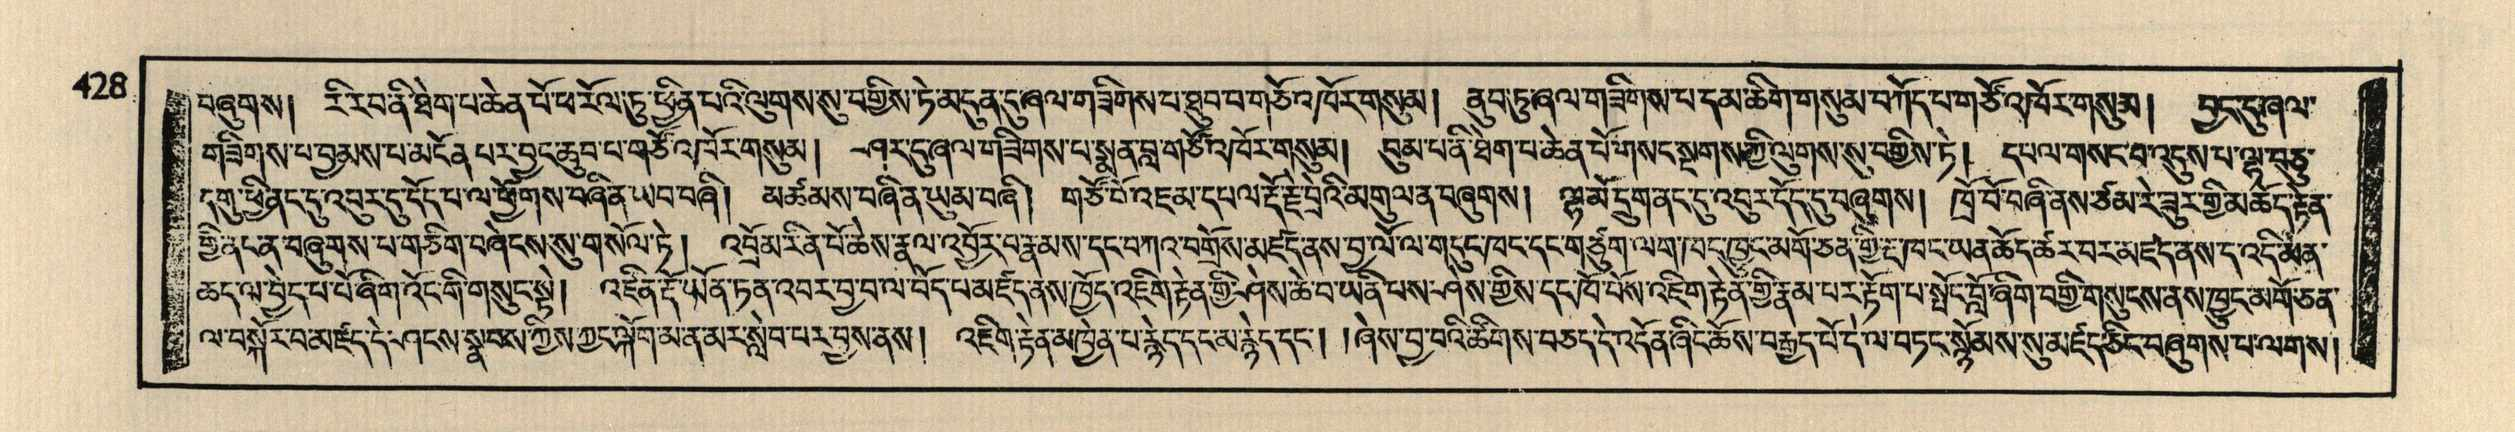བཞུགས། རི་རབ་ནི་ཐེག་པ་ཆེན་པོ་ཕ་རོལ་ཏུ་ཕྱིན་པའི་ལུགས་སུ་བགྱིས་ཏེ་མདུན་དུ་ཞལ་གཟིགས་པ་ཐུབ་བ་གཅོ་འཁོར་གསུམ། ནུབ་ཏུ་ཞལ་གཟིགས་པ་དམ་ཚིག་གསུམ་བཀོད་པ་གཙོ་འཁོར་གསུམ། བྱང་དུ་ཞལ་
གཟིགས་པ་བྱམས་པ་མངོན་པར་བྱང་ཆུབ་པ་གཙོ་འཁོར་གསུམ། ཤར་དུ་ཞལ་གཟིགས་པ་སྨན་བླ་གཙོ་འཁོར་གསུམ། བུམ་པ་ནི་ཐེག་པ་ཆེན་པོ་གསང་སྔགས་ཀྱི་ལུགས་སུ་བགྱིས་ཏེ། དཔལ་གསང་བ་འདུས་པ་ལྷ་བཅུ་
དགུ་ཕྱི་ནང་དུ་འབུར་དུ་དོད་པ་ལ་ཕྱོགས་བཞིན་ཡབ་བཞི། མཚམས་བཞིན་ཡུམ་བཞི། གཙོ་བོ་འཇམ་དཔལ་རྡོ་རྗེ་བྲེའི་མགུལ་ན་བཞུགས། ལྷ་མོ་དྲུག་ནང་དུ་འབུར་དོད་དུ་བཞུགས། ཁྲོ་བོ་བཞི་ནས་ཙམ་རེ་ཟུར་གྱི་མཆོད་རྟེན་
གྱི་ནང་ན་བཞུགས་པ་གཅིག་བཞེངས་སུ་གསོལ་ཏེ། འབྲོམ་རིན་པོ་ཆེས་རྣལ་འབྱོར་བ་རྣམས་དང་བཀའ་བགྲོས་མཛད་ནས་བྱ་ལོ་ལ་གདུང་ཁང་དང་གཙུག་ལག་ཁང་ཁྱུང་མགོ་ཅན་གྱི་རྔ་ཁང་ཡན་ཆོད་ཚར་བར་མཛད་ནས་ད་འདི་མེན་
ཆད་ལ་བྱེད་པ་པོ་ཞིག་འོང་གི་གསུང་སྟེ། འཛིན་རྡོ་ཡོན་ཏན་འབར་བྱ་བ་ལ་བོད་པ་མཛད་ནས་ཁྱོད་འཇིག་རྟེན་གྱི་ཤེས་ཆེ་བ་ཡིན་པས་ཤེས་གྱིས་དང་ཁོ་བོས་འཇིག་རྟེན་གྱི་རྣམ་པར་རྟོག་པ་སྤོང་བློ་ཞིག་བགྱི་གསུངས་ནས་ཁྱུང་མགོ་ཅན་
ལ་བསྐོར་བ་མཛད་དེ་ཤངས་སྣབས་ཀྱིས་ཀྱང་ལྐོག་མ་ན་མར་སླེབ་པར་བྱས་ནས། འཇིག་རྟེན་མཁྱེན་པ་རྙེད་དང་མ་རྙེད་དང་། །ཞེས་བྱ་བའི་ཚིགས་བཅད་དེ་འདོན་ཞིང་ཆོས་བརྒྱད་པོ་དེ་ལ་བཏང་སྙོམས་སུ་མཛད་ཅིང་བཞུགས་པ་ལགས།